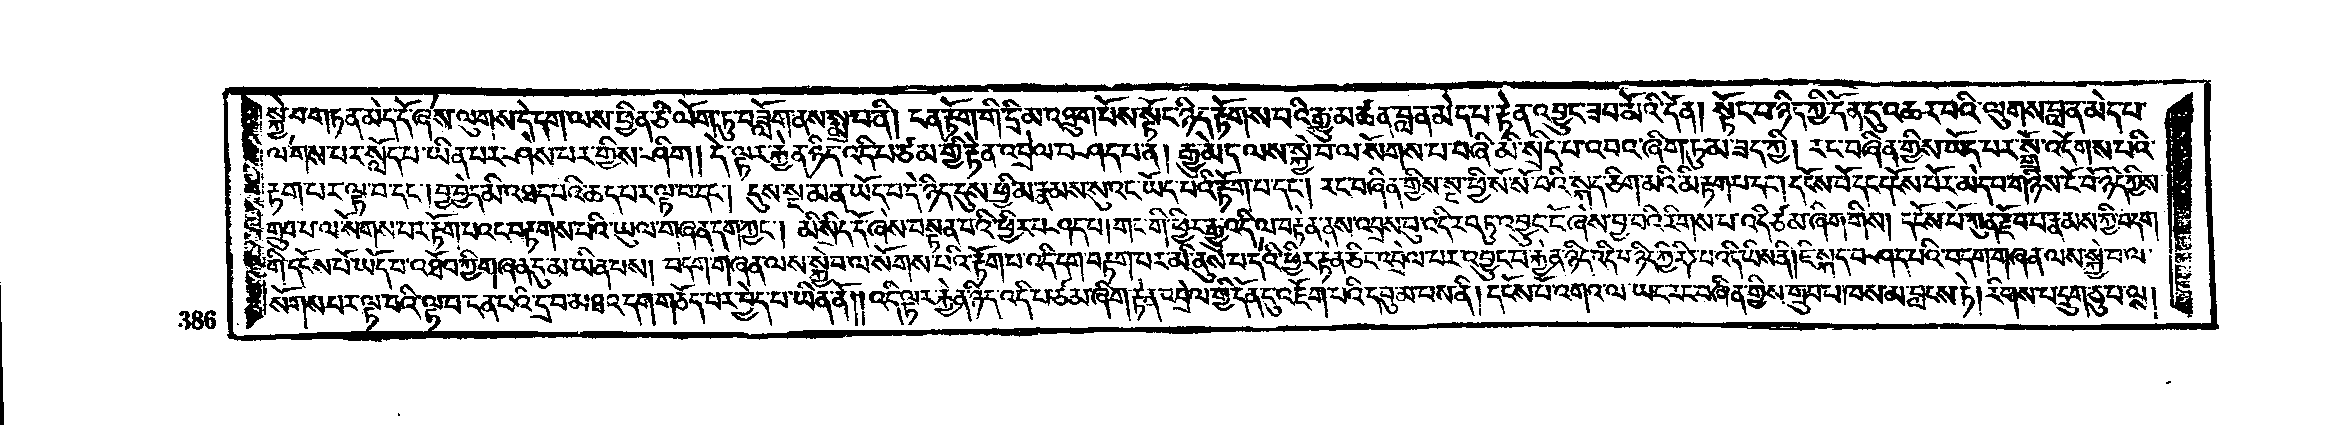སྐྱེ་བ་གཏན་མེད་དོ་ཞེས་ལུགས་དེ་དག་ལས་ཕྱིན་ཅི་ལོག་ཏུ་བཟློག་ནས་སྨྲ་བ་ནི། ངན་རྟོག་གི་དྲི་མ་འཐུག་པོས་སྟོང་ཉིད་རྟོགས་པའི་རྒྱུ་མཚན་བླ་ན་མེད་པ་རྟེན་འབྱུང་ཟབ་མོའི་དོན། སྟོང་པ་ཉིད་ཀྱི་དོན་དུ་འཆར་བའི་ལུགས་བླ་ན་མེད་པ་
ལེགས་པར་སློད་པ་ཡིན་པར་ཤེས་པར་གྱིས་ཤིག །དེ་ལྟར་རྐྱེན་ཉིད་འདི་པ་ཙམ་གྱི་རྟེན་འབྲེལ་བཤད་པ་ན། རྒྱུ་མེད་ལས་སྐྱེ་བ་ལ་སོགས་པ་བཞི་མི་སྲིད་པ་འབའ་ཞིག་ཏུ་མ་ཟད་ཀྱི། རང་བཞིན་གྱིས་ཡོད་པར་སྒྲོ་འདོགས་པའི་
རྟག་པར་ལྟ་བ་དང་། བྱ་བྱེད་མི་འཐད་པའི་ཆད་པར་ལྟ་བ་དང་། དུས་སྔ་མ་ན་ཡོད་པ་དེ་ཉིད་དུས་ཕྱི་མ་རྣམས་སུ་འང་ཡོད་པའི་རྟོག་པ་དང་། རང་བཞིན་གྱིས་སྔ་ཕྱི་སོ་སོ་བའི་སྐད་ཅིག་མའི་མི་རྟག་པ་དང་། དངོས་པོ་དང་དངོས་པོར་མེད་པ་གཉིས་ངོ་བོ་ཉིད་ཀྱིས་
གྲུབ་པ་ལ་སོགས་པར་རྟོག་པའང་བརྟགས་པའི་ཡུལ་གཞན་དག་ཀྱང་། མི་སྲིད་དོ་ཞེས་བསྟན་པའི་ཕྱིར་བཤད་པ། གང་གི་ཕྱིར་རྒྱུ་འདི་ལ་བརྟེན་ནས་འབྲས་བུ་འདི་རབ་ཏུ་འབྱུང་ངོ་ཞེས་བྱ་བའི་རིགས་པ་འདི་ཙམ་ཞིག་གིས། དངོས་པོ་ཀུན་རྫོབ་པ་རྣམས་ཀྱི་བདག་
གི་དངོས་པོ་ཡོད་པ་འཐོབ་ཀྱི་གཞན་དུ་མ་ཡིན་པས། བདག་གཞན་ལས་སྐྱེ་བ་ལ་སོགས་པའི་རྟོག་པ་འདི་དག་བརྟག་པར་མི་ནུས་པ་དེའི་ཕྱིར་རྟེན་ཅིང་འབྲེལ་པར་འབྱུང་བ་རྐྱེན་ཉིད་འདི་པ་ཉིད་ཀྱི་རིགས་པ་འདི་ཡིས་ནི། ཇི་སྐད་བཤད་པའི་བདག་གཞན་ལས་སྐྱེ་བ་ལ་
སོགས་པར་ལྟ་བའི་ལྟ་བ་ངན་པའི་དྲ་བ་མཐའ་དག་གཅོད་པར་བྱེད་པ་ཡིན་ནོ། །འདི་ལྟར་རྐྱེན་ཉིད་འདི་པ་ཙམ་ཞིག་རྟེན་འབྲེལ་གྱི་དོན་དུ་འཇོག་པའི་དབུ་མ་པས་ནི། དངོས་པོ་འགའ་ལ་ཡང་རང་བཞིན་གྱིས་གྲུབ་པ་ཁས་མ་བླངས་ཏེ། རིགས་པ་དྲུག་ཅུ་པ་ལས།